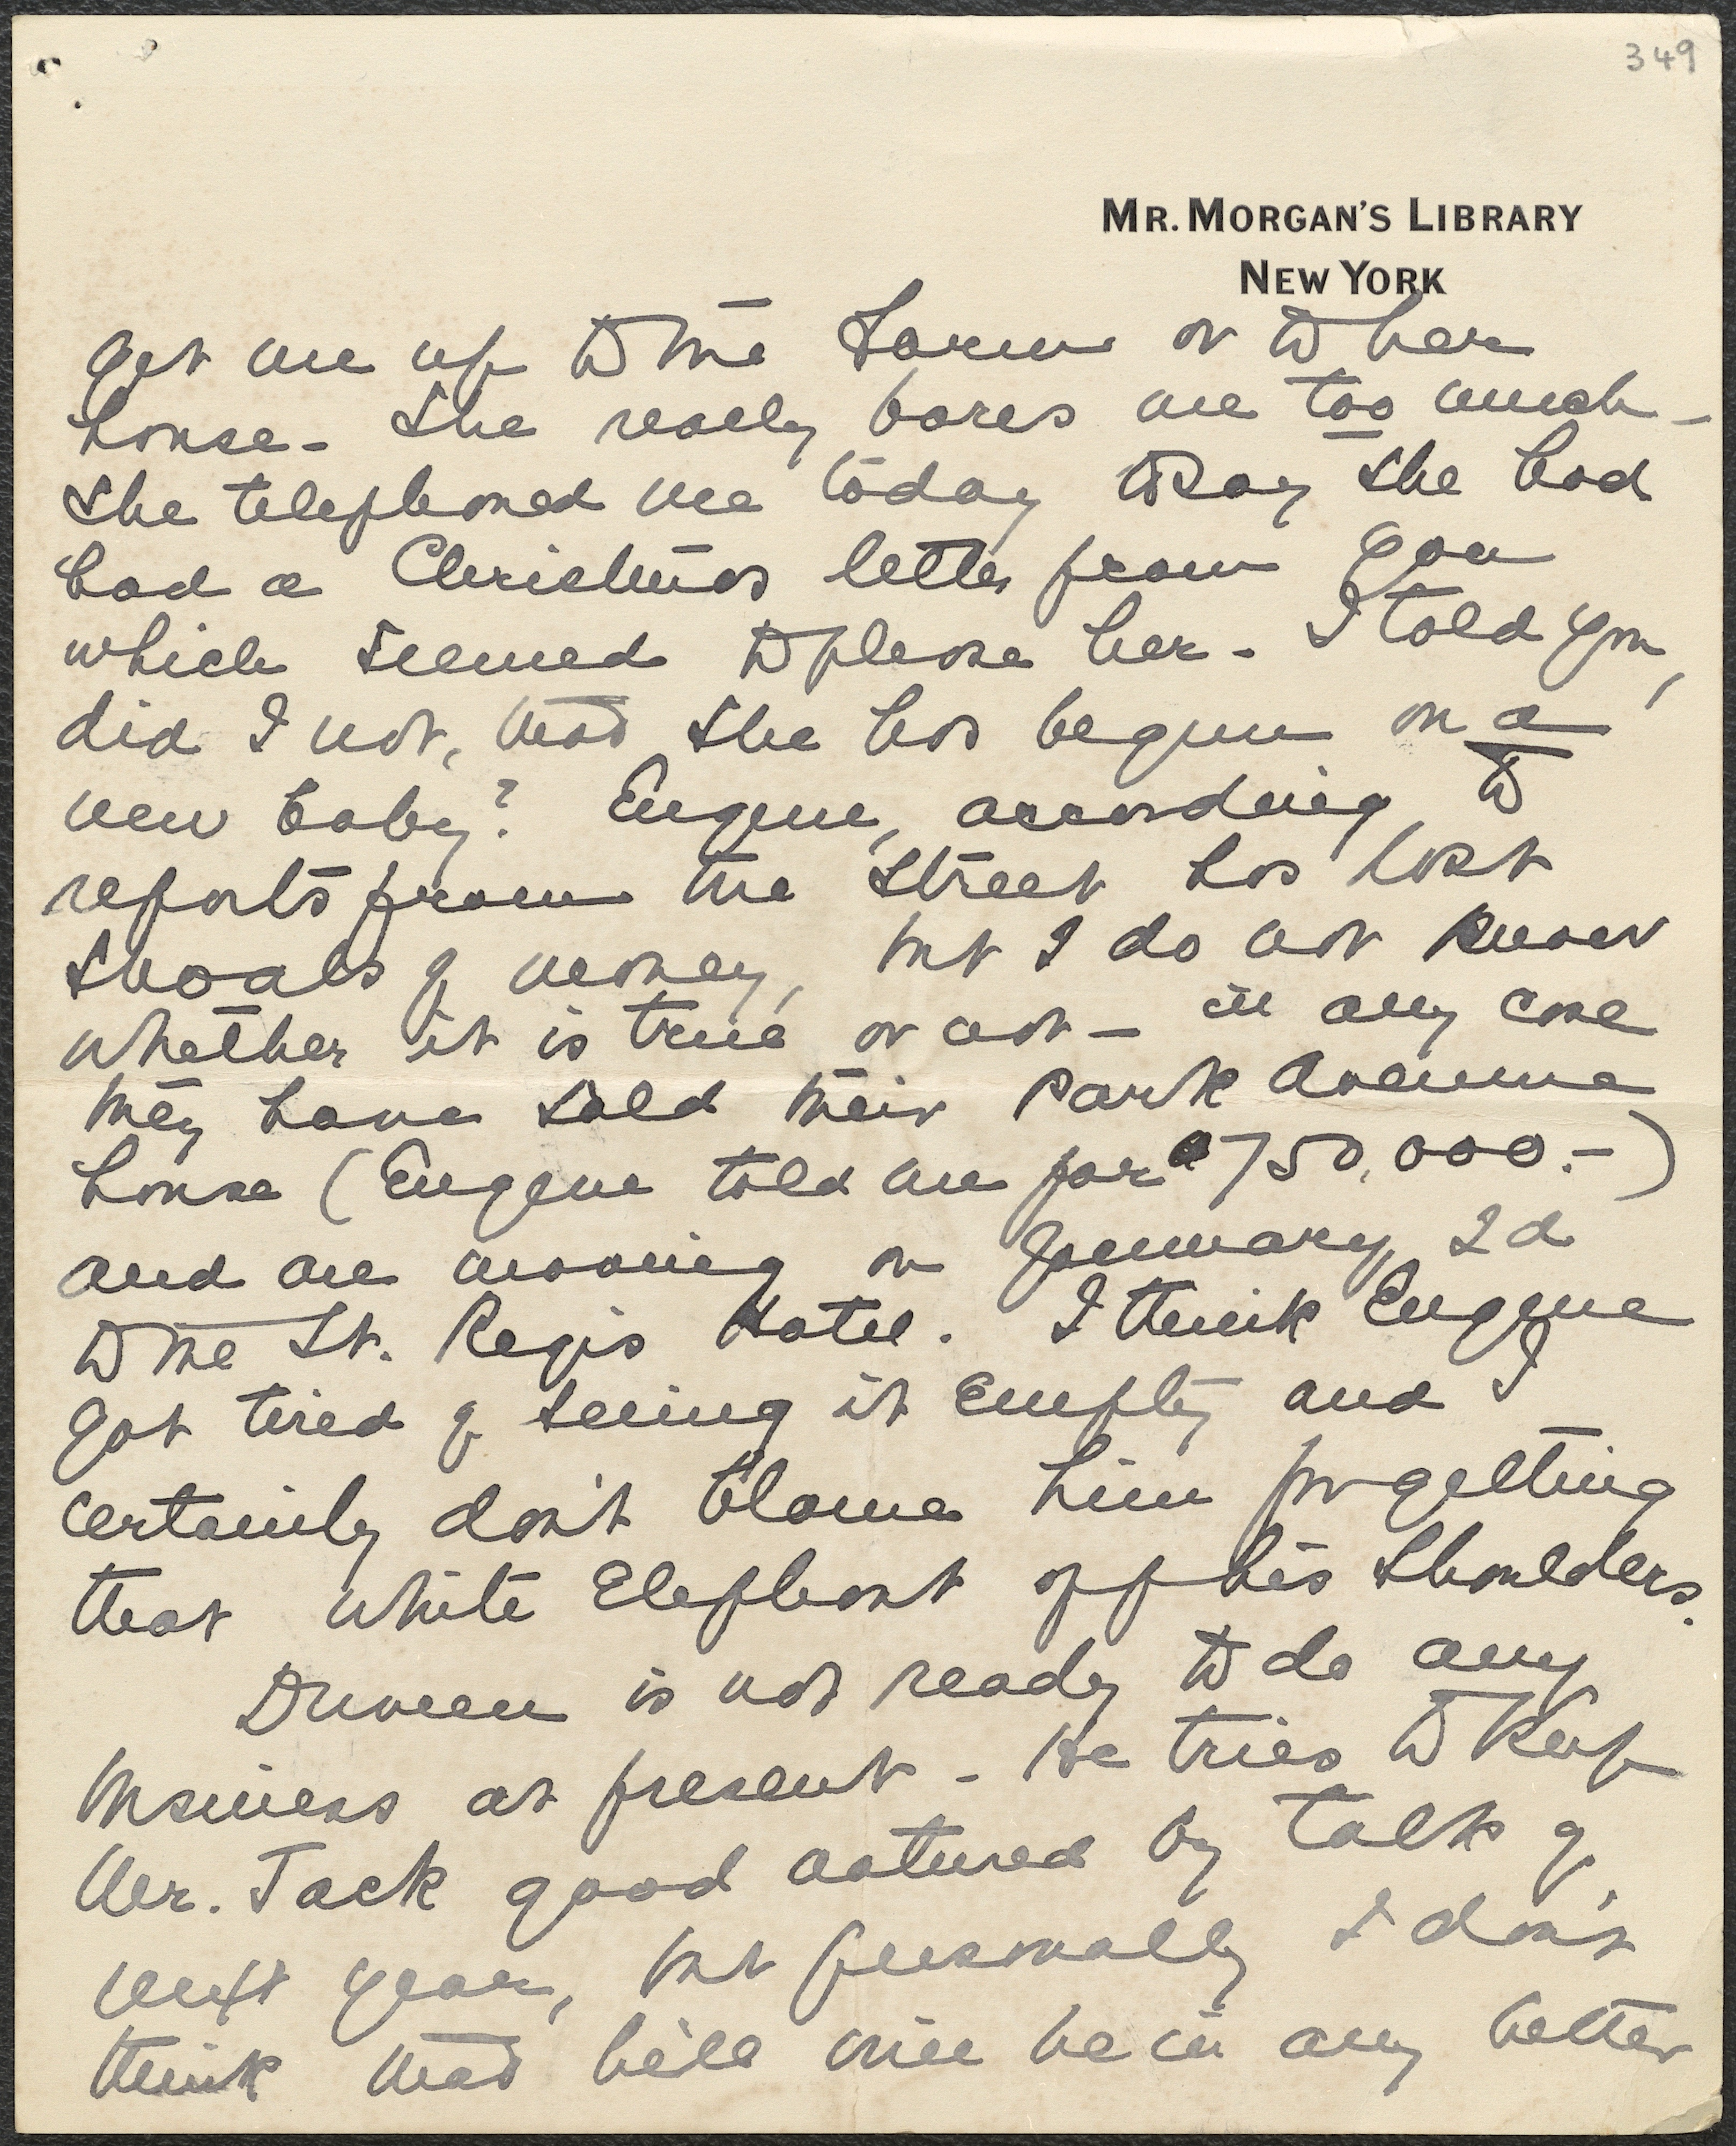get me up to the Farm or to her house – She really bores me too much –
She telephoned me today to say she had had a Christmas letter from you which seemed to please her – I told you, did I not, that she has begun on a new baby? Eugene, according to reports from the street has lost shoals of money, but I do not know whether it is true or not – in any case they have sold their Park Avenue home (Eugene told me for $750,000. –) and are moving on January 2d to the St. Regis Hotel. I think Eugene got tired of seeing it empty and certainly don’t blame him for getting that White Elephant off his shoulders.
Duveen is not ready to do any business at present – He tries to keep Mr. Jack good natured by talk of next year, but personally I don’t think that he’ll will be in any better